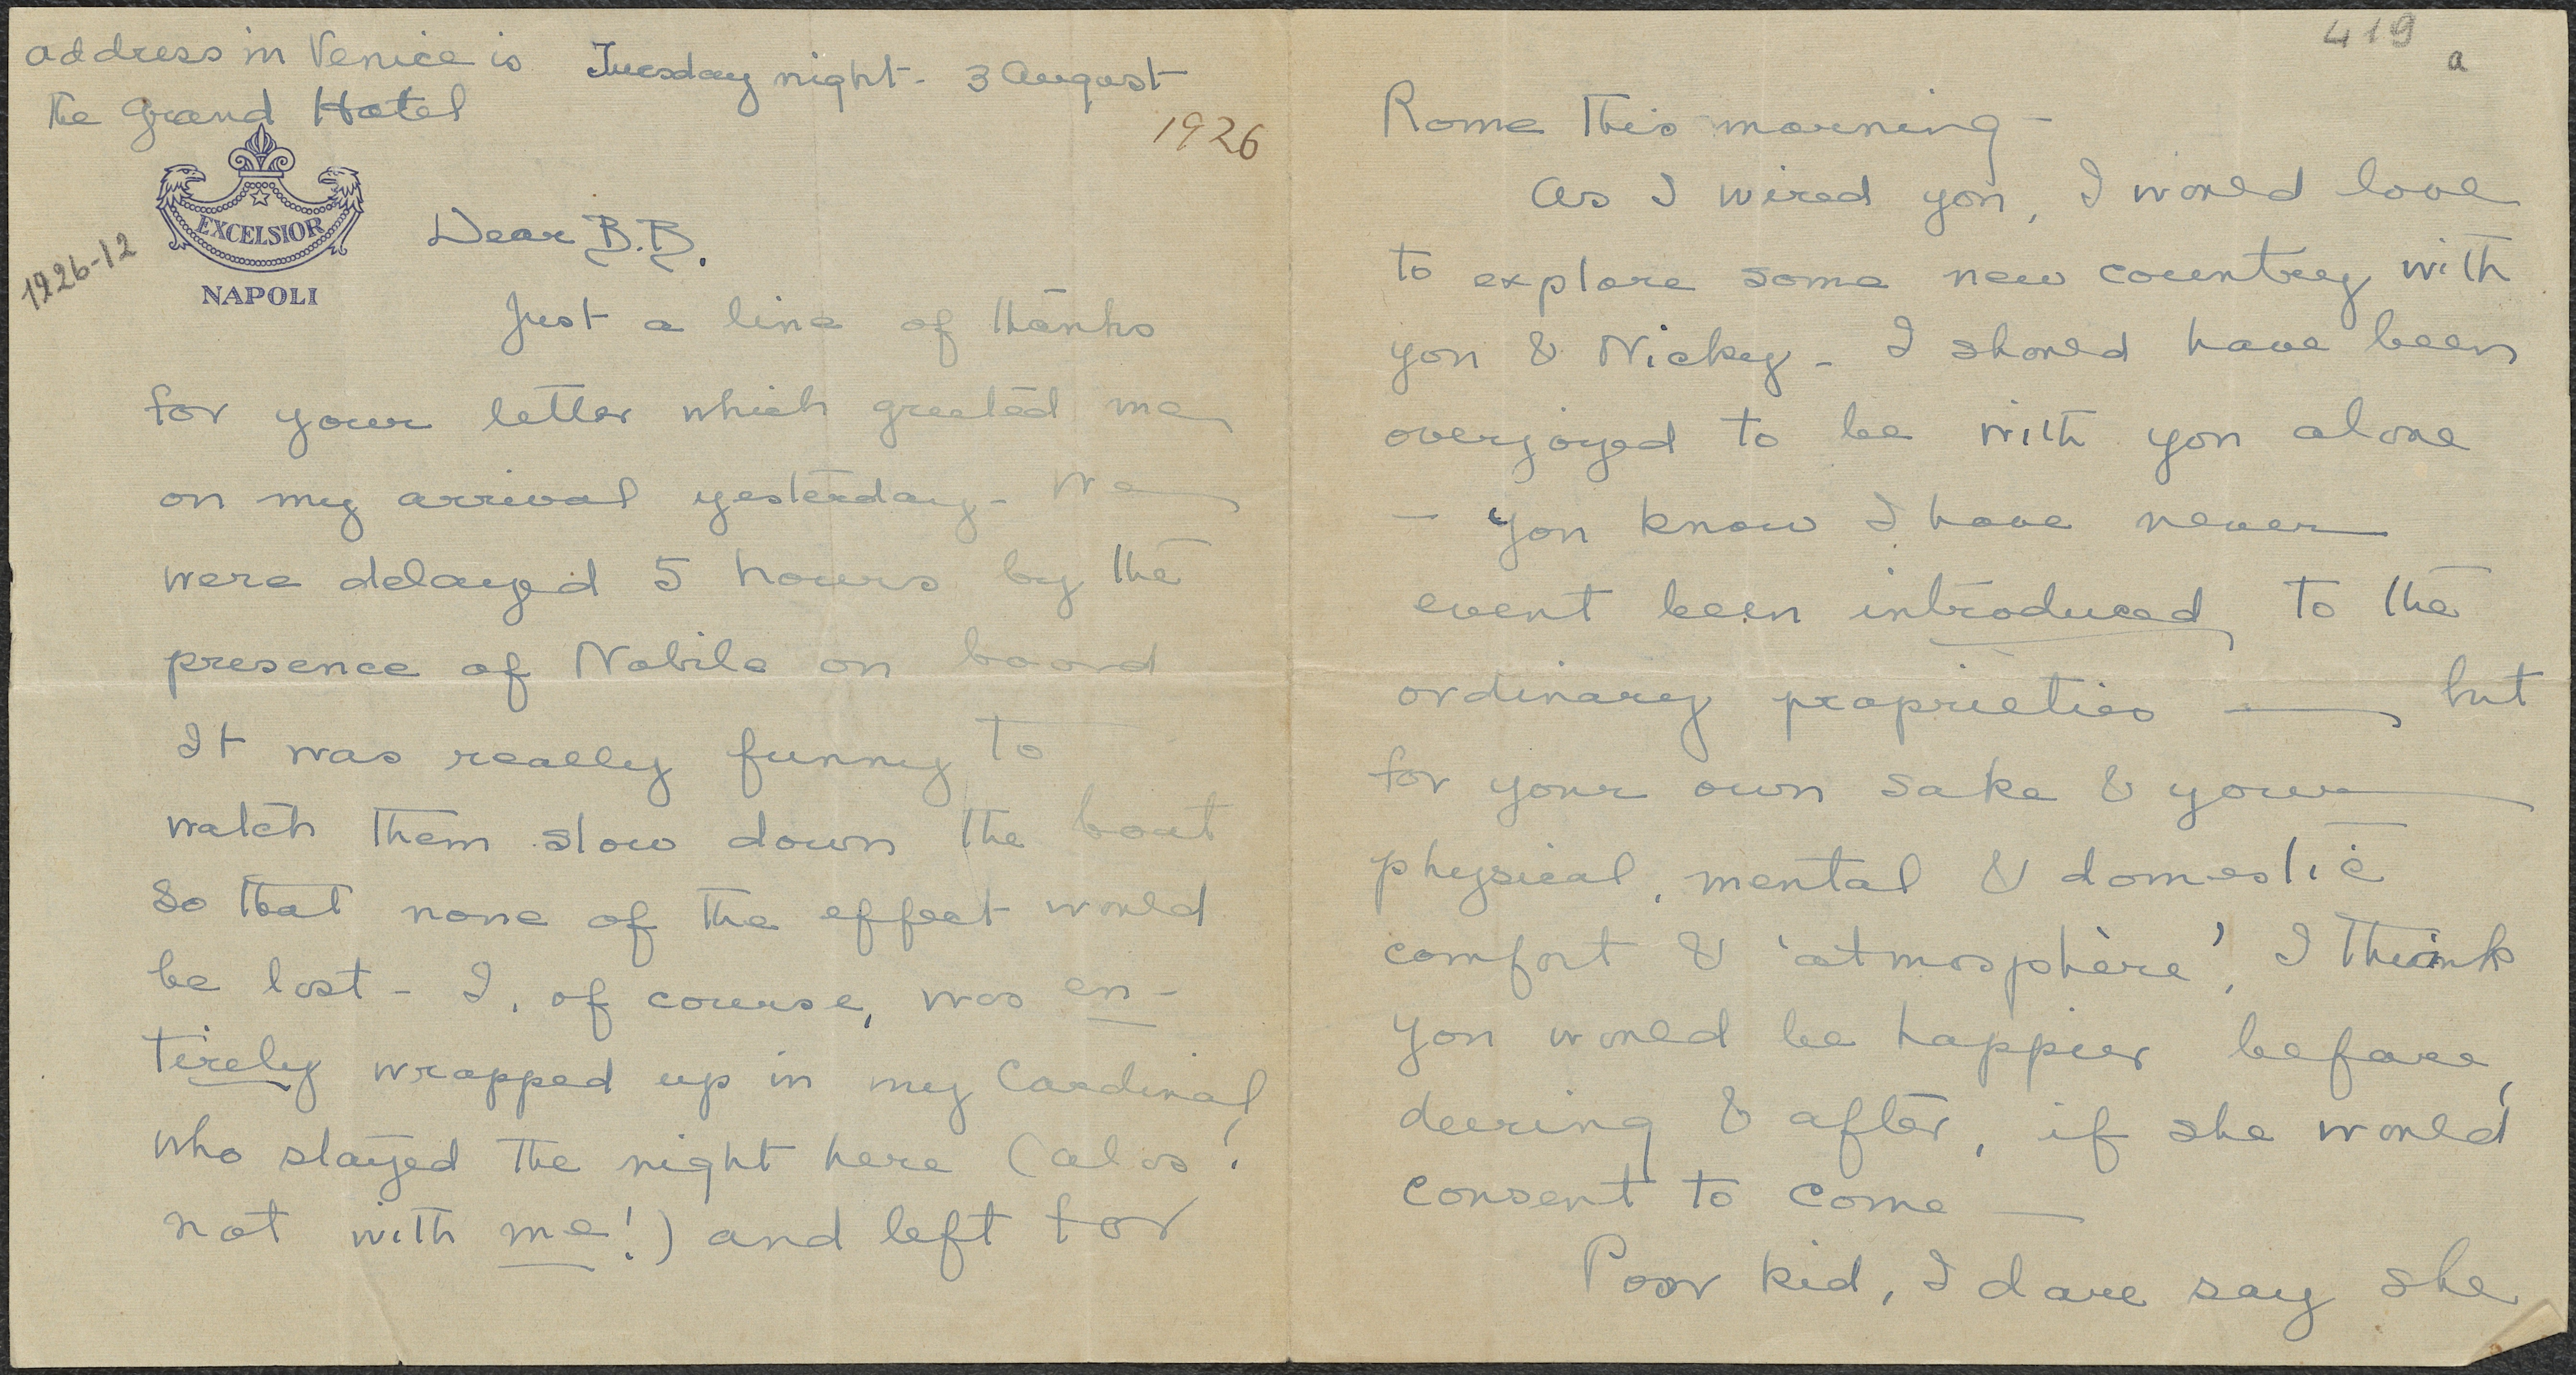address in Venice is The Grand Hotel
Tuesday night – 3 August
Dear B.B.
Just a line of thanks for your letter which greeted me on my arrival yesterday – We were delayed 5 hours by the presence of Nobile on board
It was really funny to watch them slow down the boat so that none of the effect would be lost – I, of course, was entirely wrapped up in my Cardinal who stayed the night here (alas! not with me!) and left for
Rome this morning.
As I wired you, I would love to explore some new country with you & Nicky – I should have been overjoyed to be with you alone – you know I have never event [sic] been introduced to the ordinary proprieties – but for your own sake & your physical, mental & domestic comfort & ‘atmosphere’, I think you would be happier before, during & after, if she would consent to come –
Poor kid, I dare say she